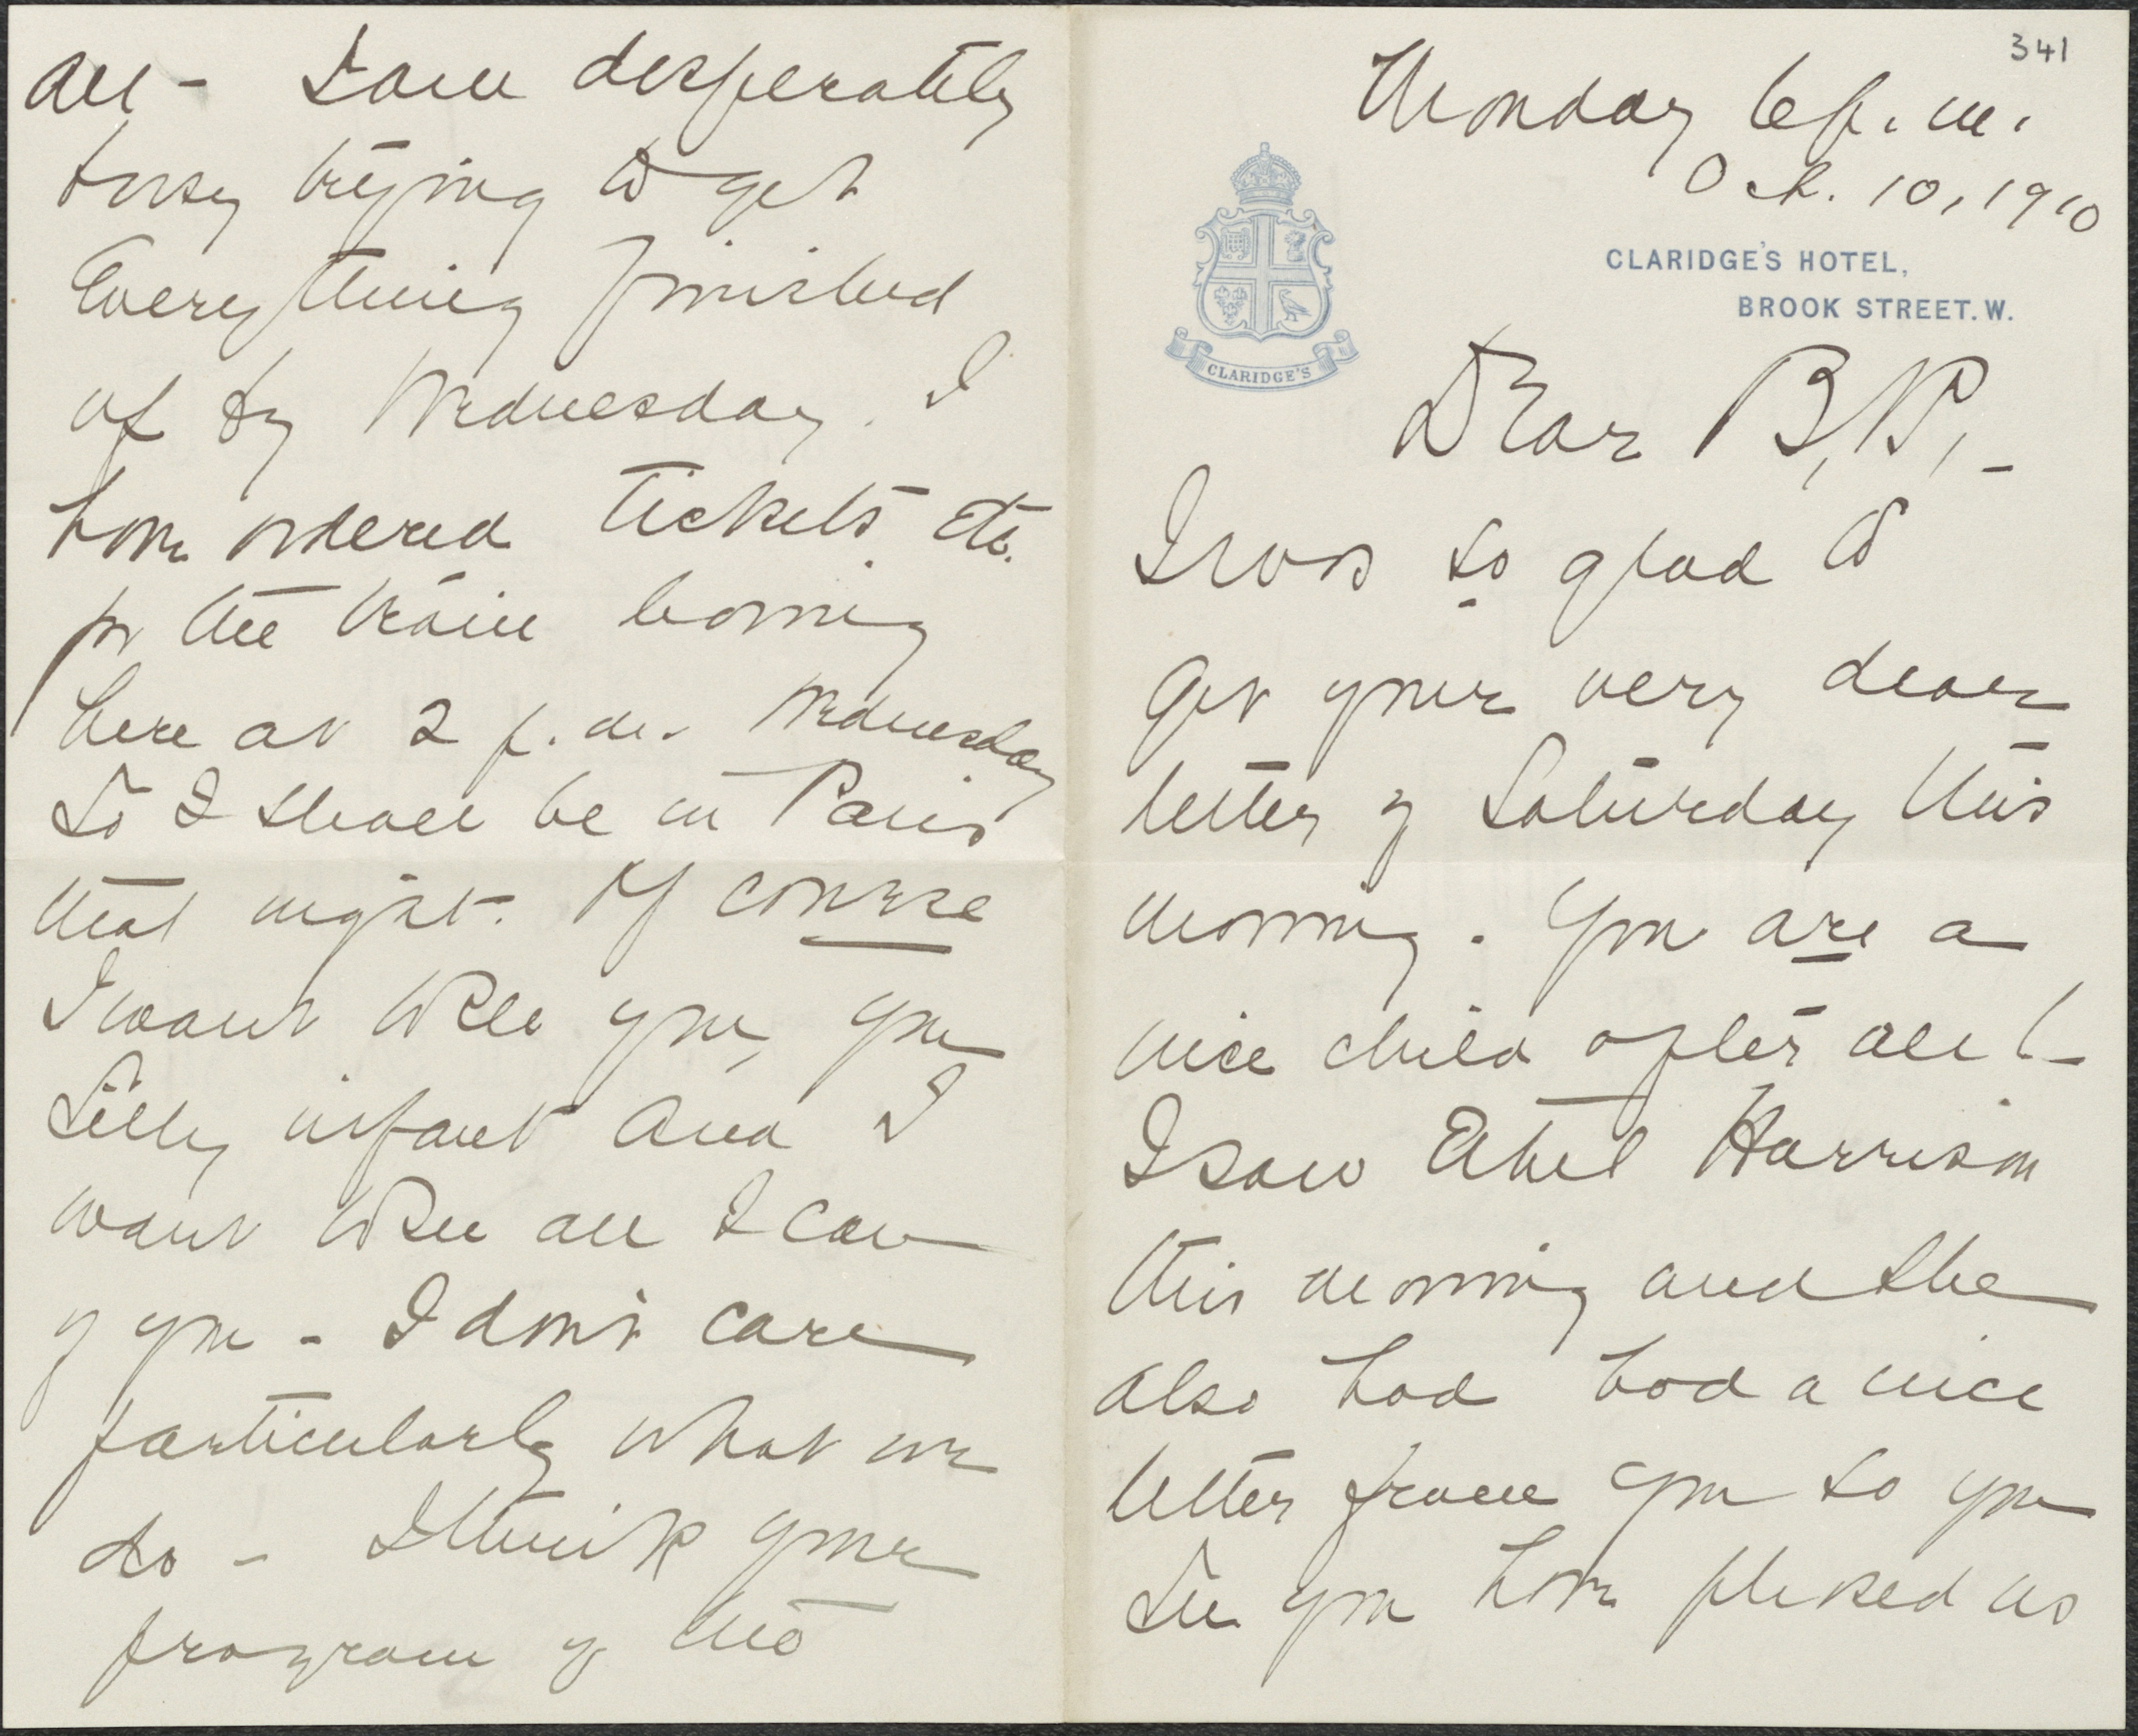Monday 6 p.m.
Dear B.B. –
I was so glad to get your very dear letter of Saturday this morning. You are a nice child after all! I saw Ethel Harrison this morning and she also had had a nice letter from you so you see you have pleased us
all – I am desperately busy trying to get everything finished up by Wednesday. I have ordered tickets etc. for the train leaving here at 2 p.m. Wednesday So I shall be in Paris that night. Of course I want to see you, you silly infant and I want to see all I can of you – I don’t care particularly what we do – I think your program of the